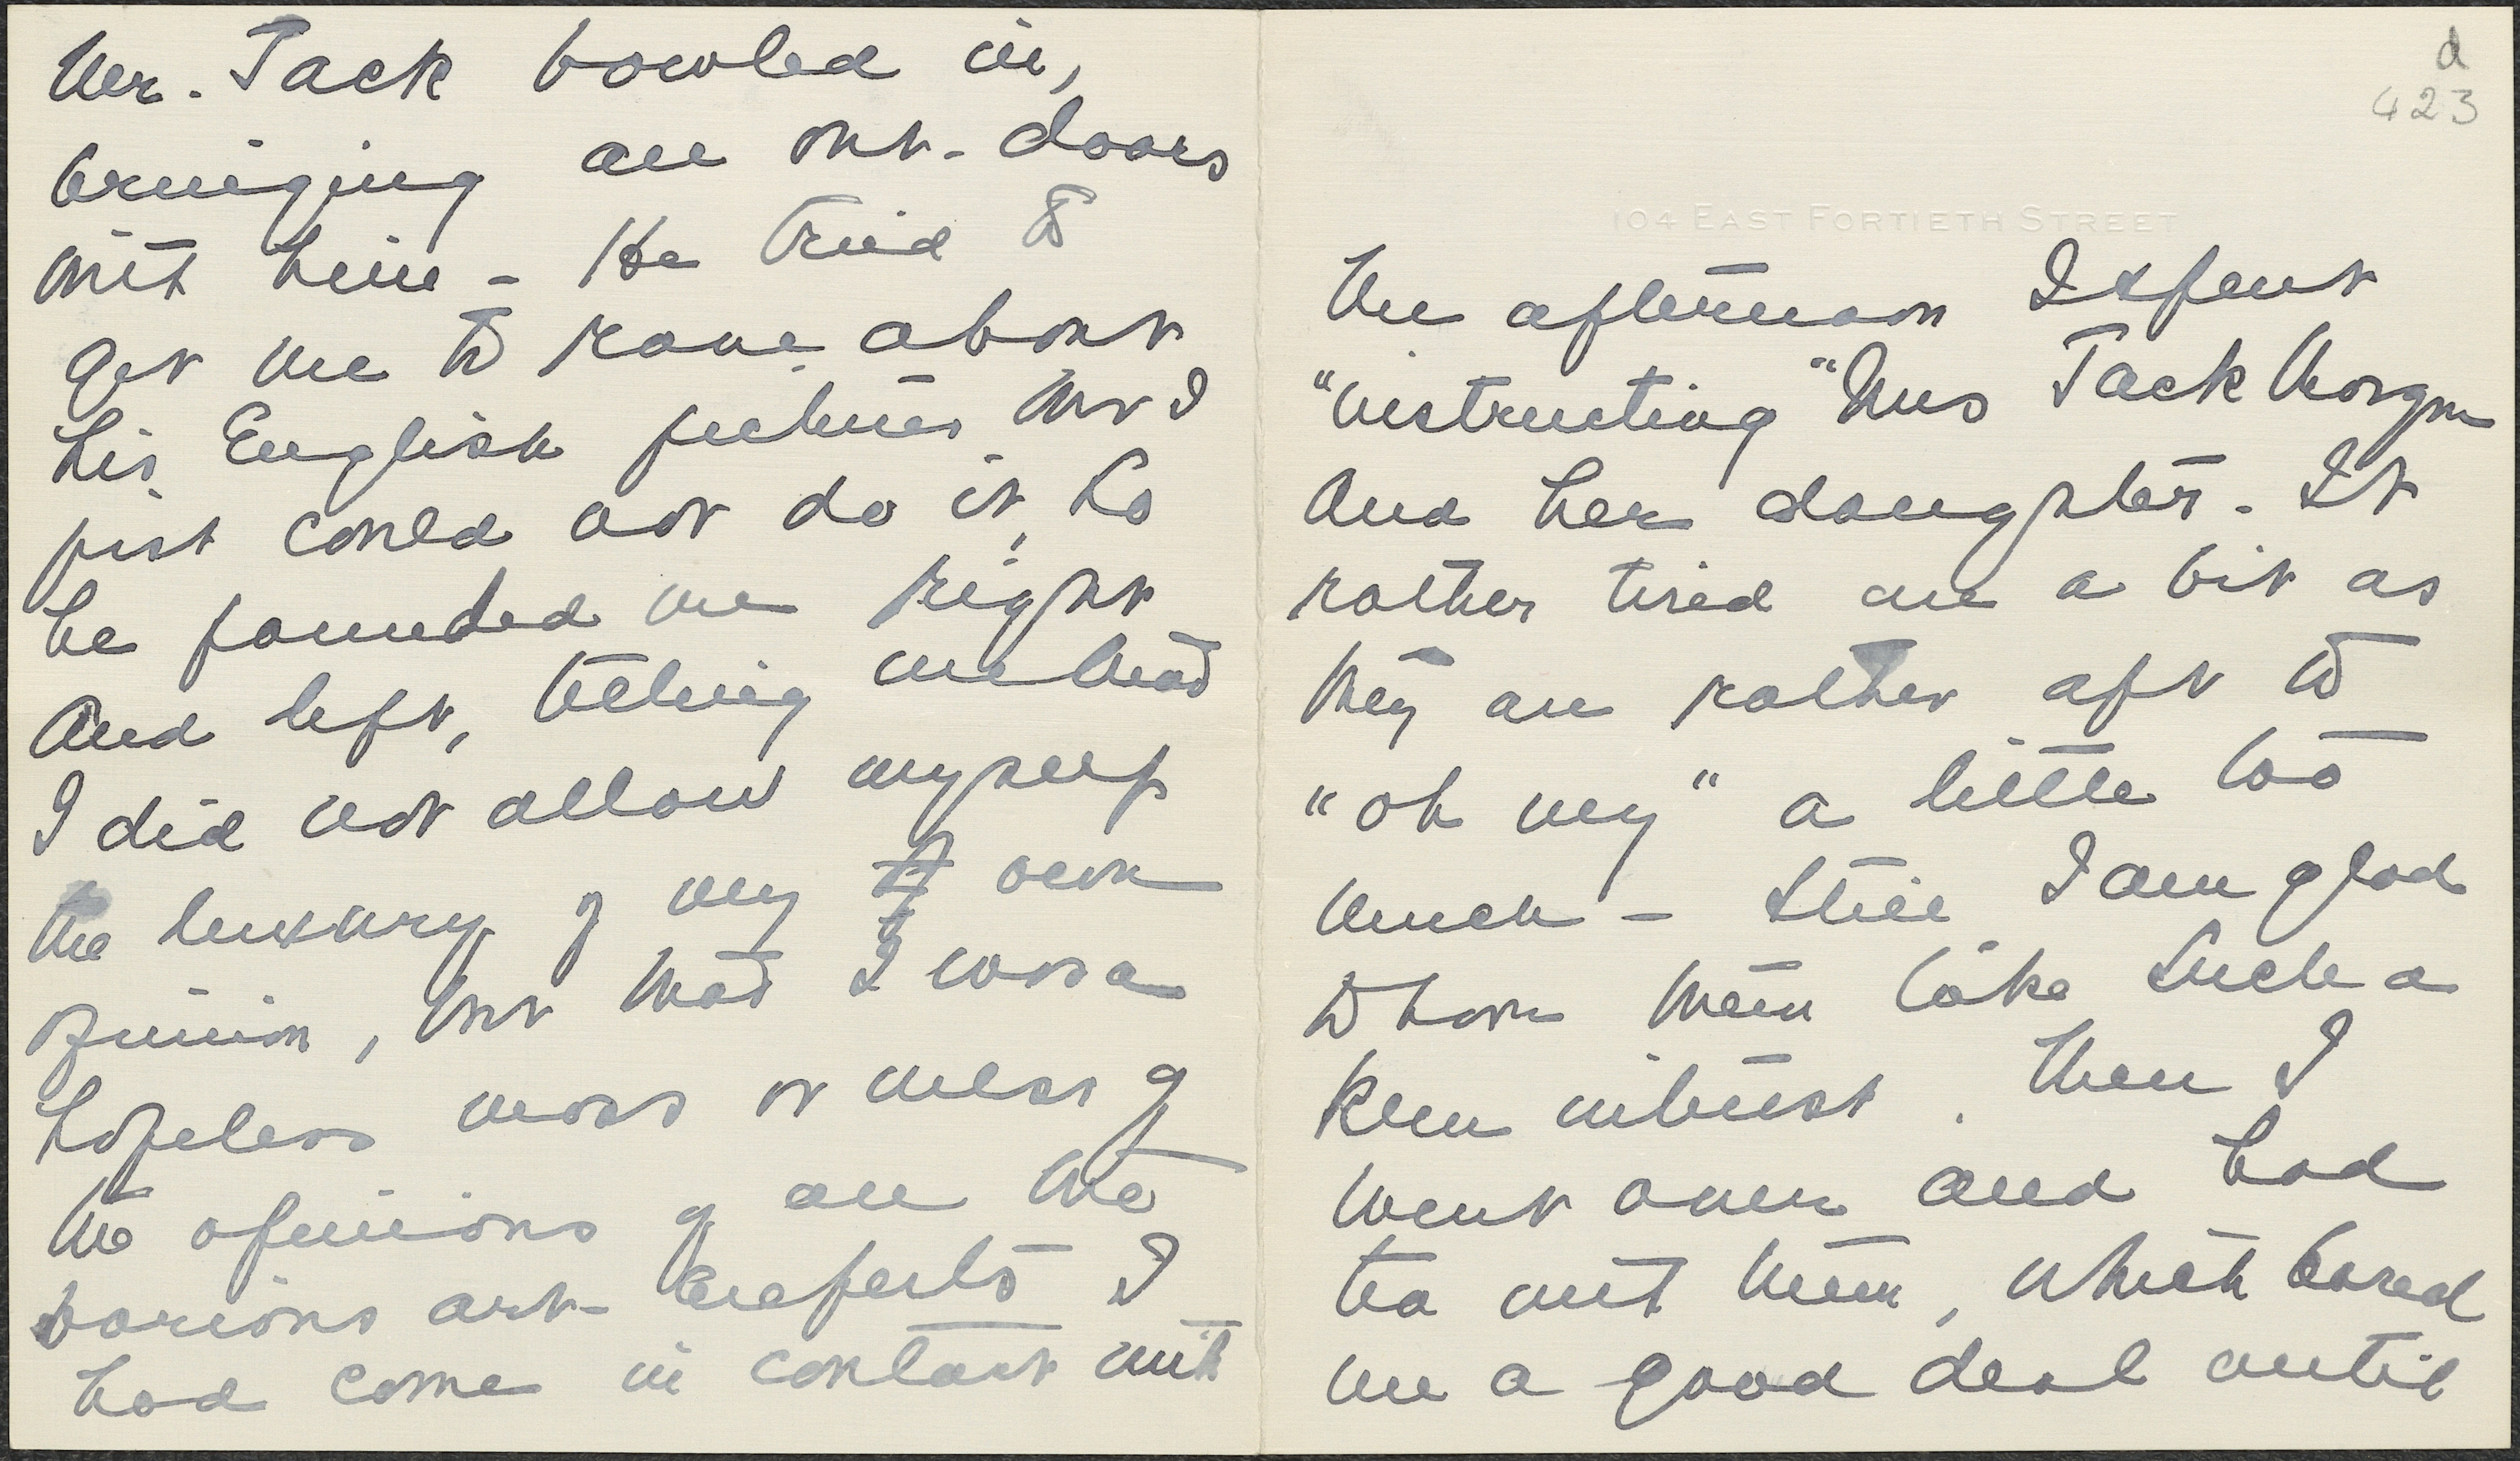The afternoon I spent “instructing” Mrs. Jack Morgan and her daughter. It rather tired me a bit as they are rather apt to “oh my” a little too much – Still I am glad to have them take such a keen interest. Then I went over and had tea with them, which bored me a good deal until
Mr. Jack bowled in, bringing all out-doors with him – He tried to get me to rave about his English pictures but I just could not do it, so he pounded me right and left, telling me that I did not allow myself the luxury of my of own opinion, but that I was a hopeless mess or mess of the opinions of all the various art experts I had come in contact with